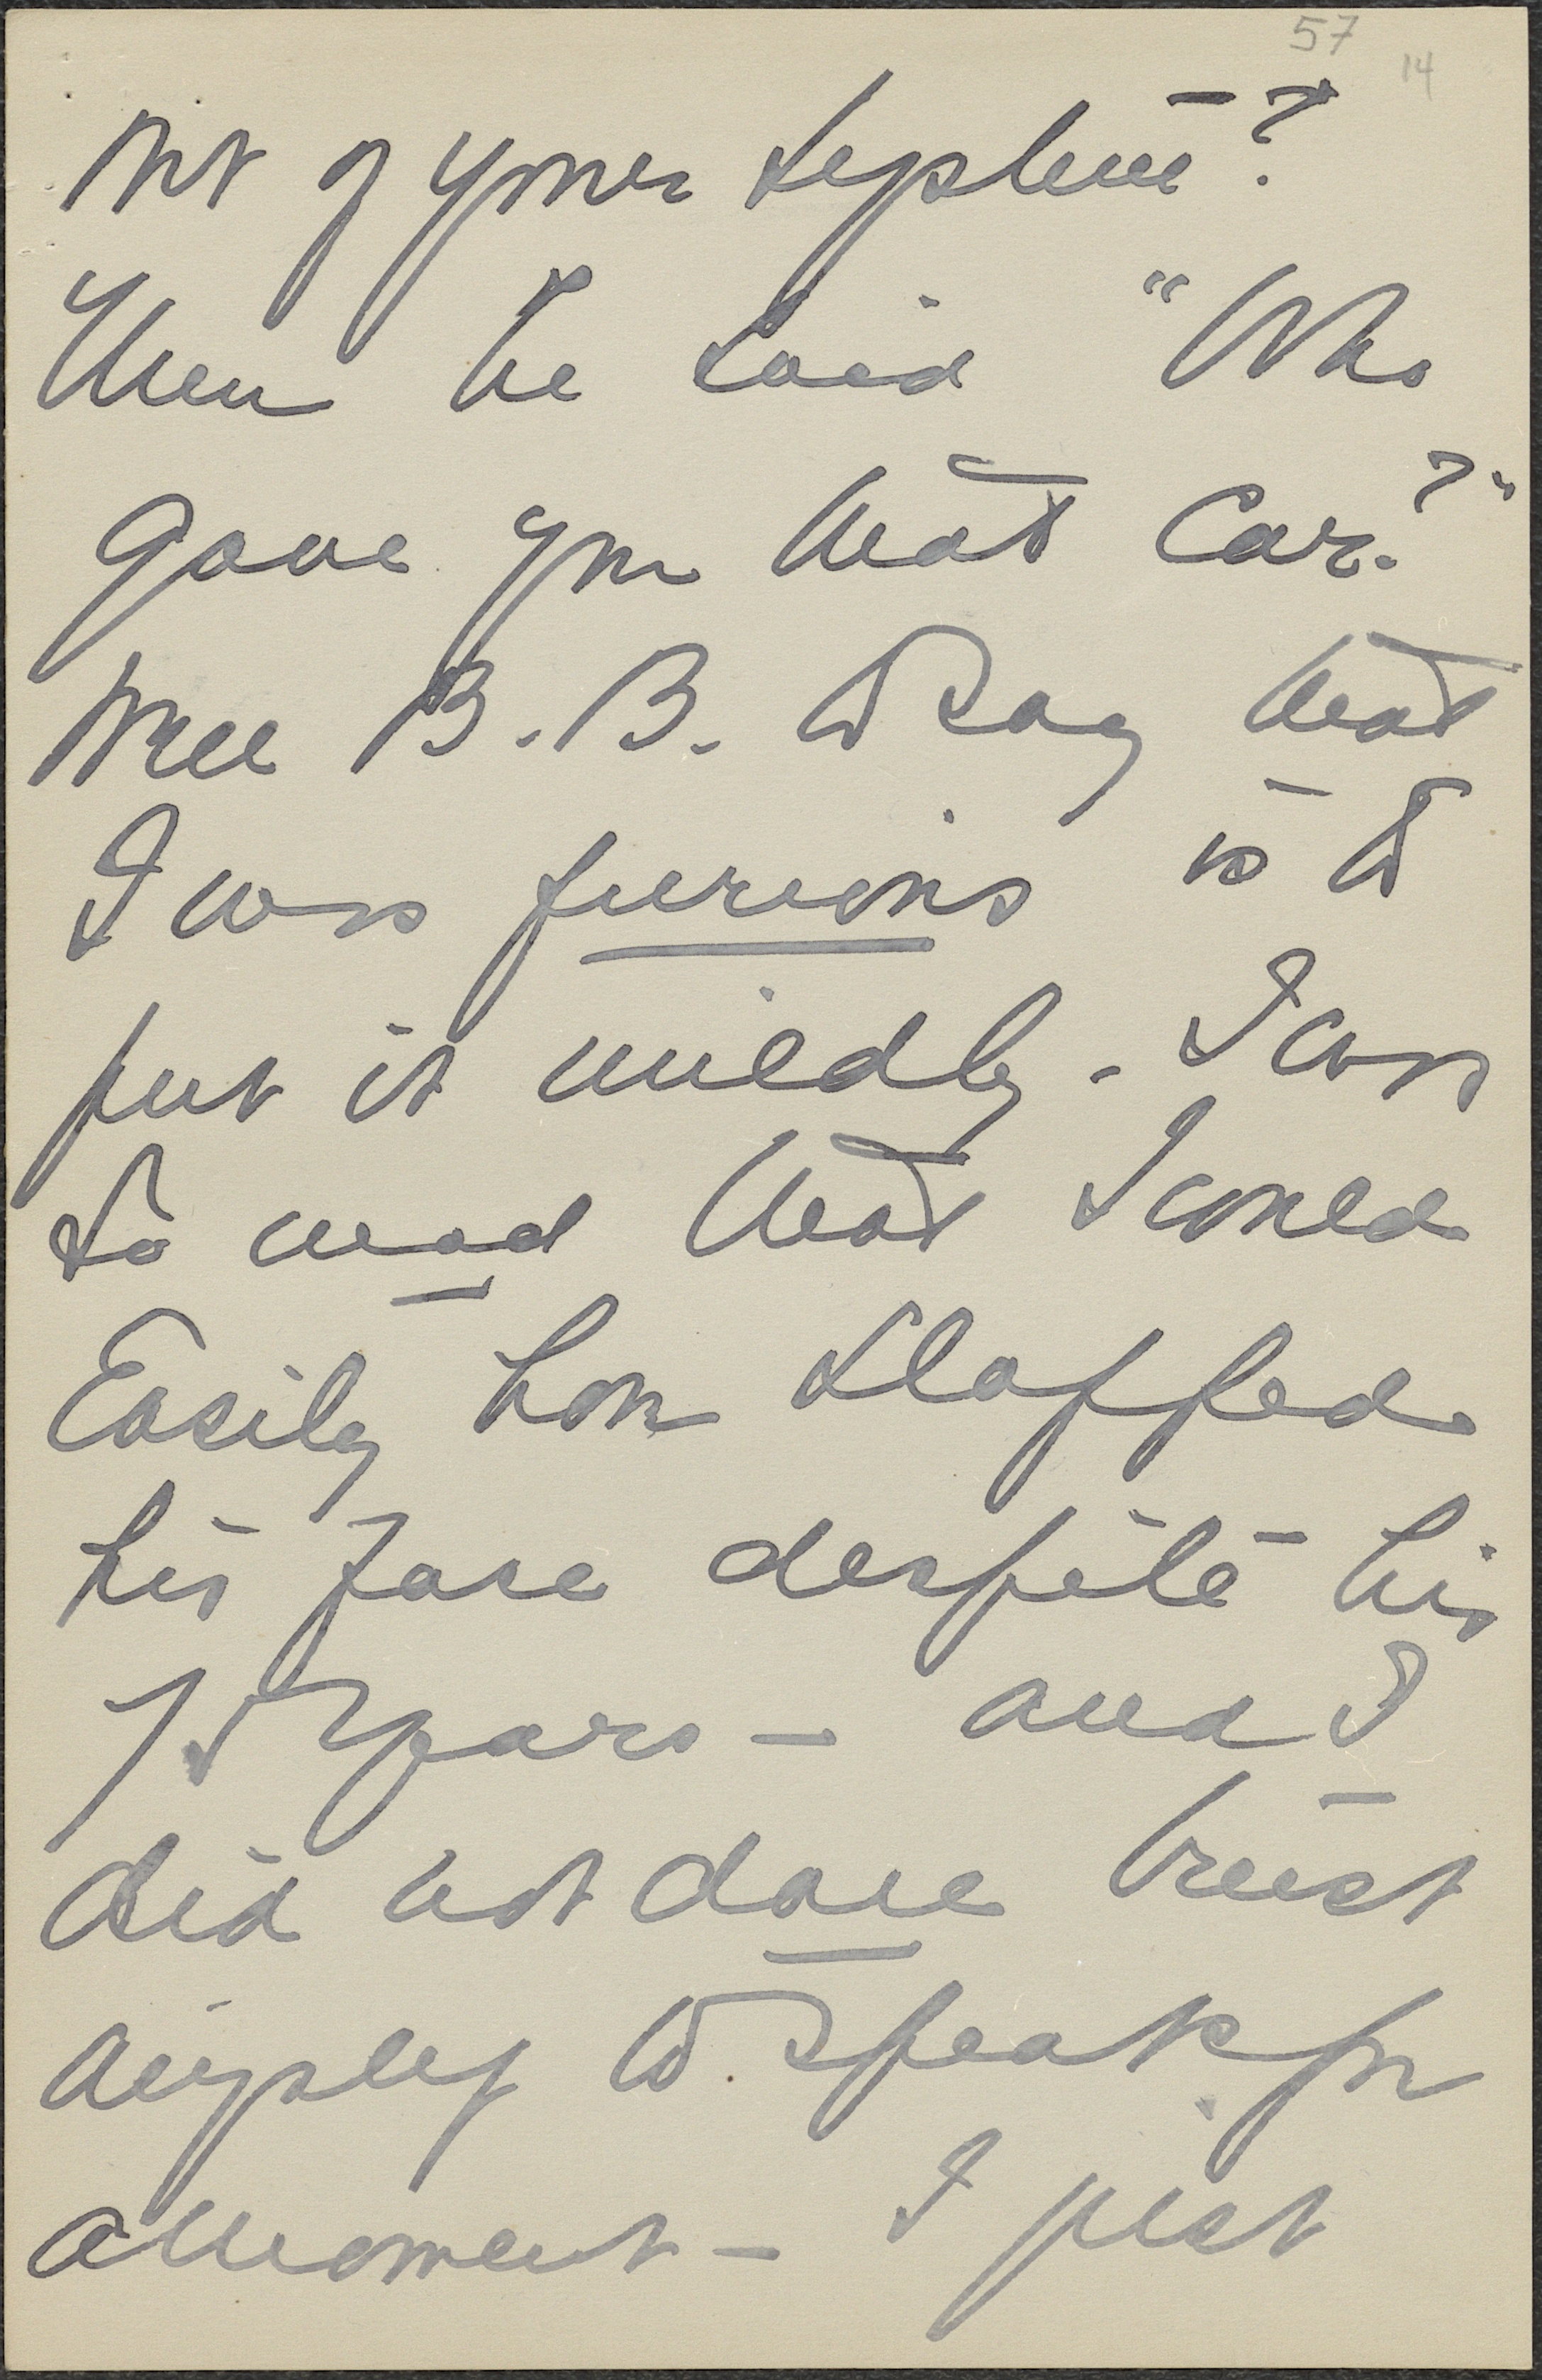out of your system? Then he said “Who gave you that car?” Well B. B. to say that I was furious is to put it mildly. I was so mad that I could easily have slapped his face despite his 75 years – and I did not dare trust myself to speak for a moment – I just